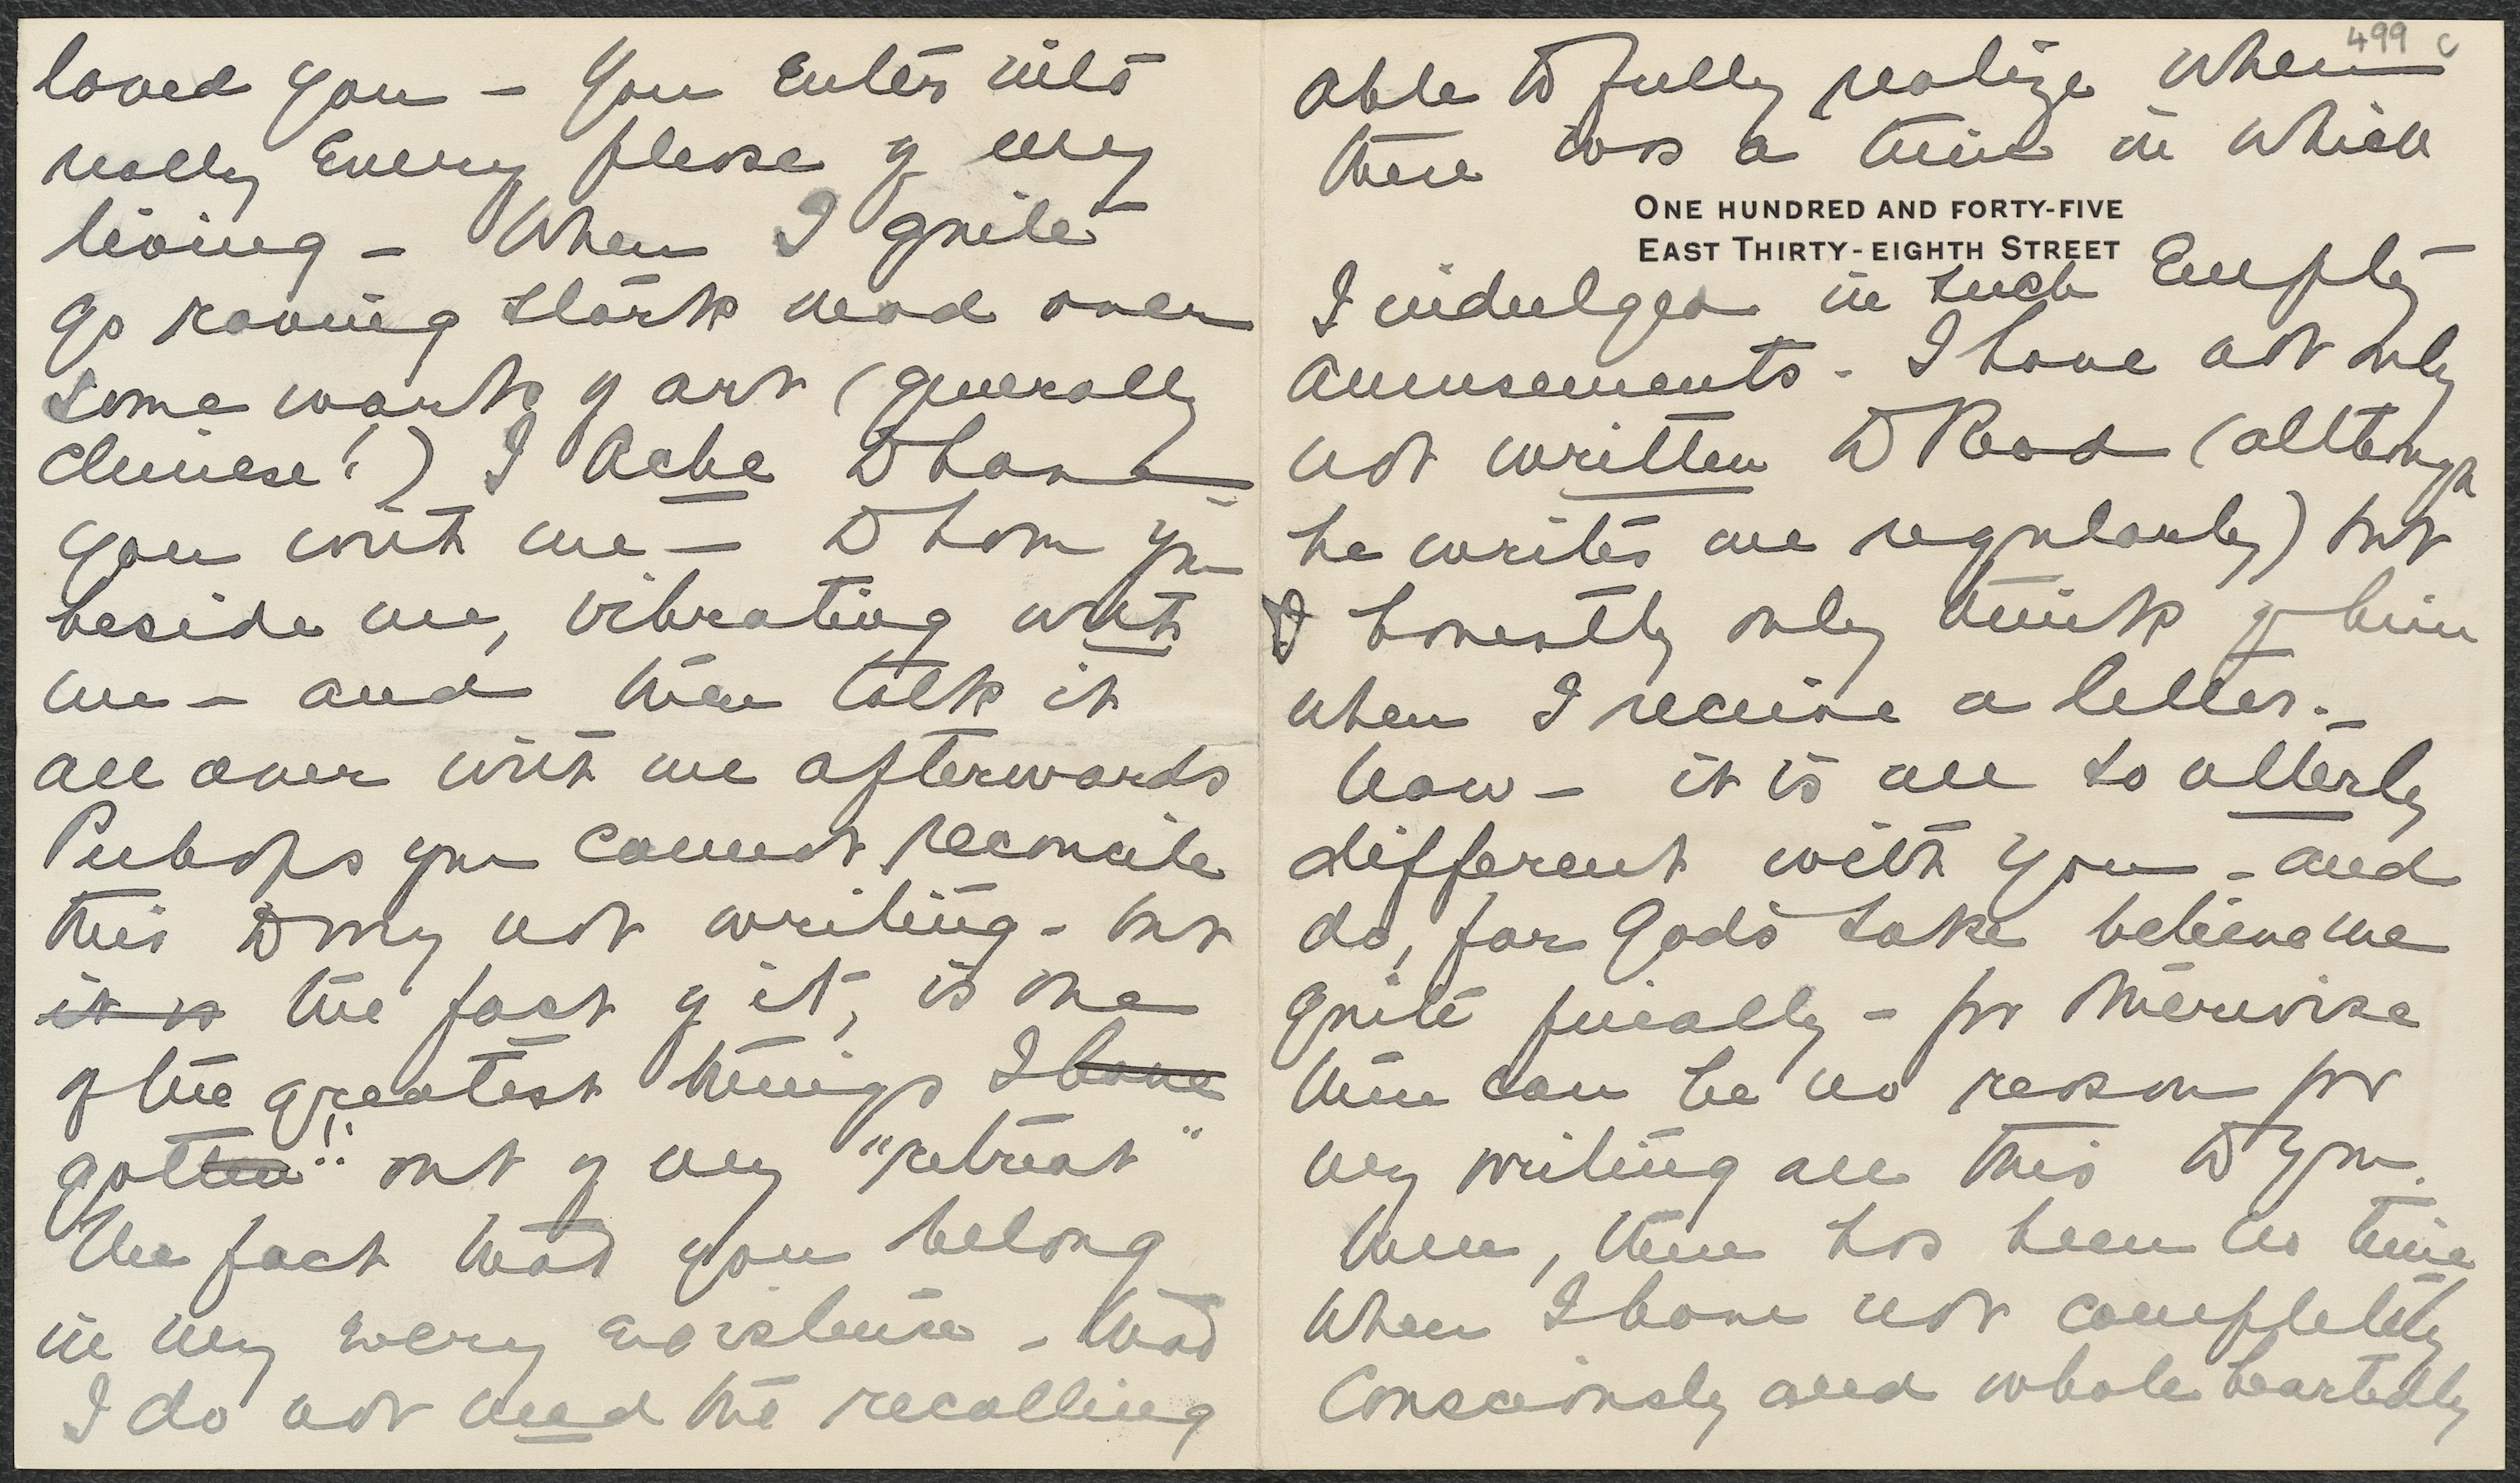able to fully realize when there was a time in which I indulged in such empty amusements. I have not only not written to Read (although he writes me regularly) but I honestly only think of him when I receive a letter. – Now – it is all so utterly different with you – and do, for gods sake believe me quite finally – for otherwise there can be no reason for my writing all this to you. Here, there has been no time when I have not completely consciously and wholeheartedly
loved you – you enter into really every phase of my living – When I quite go raving stark mad over some work of art (generally Chinese!) I Ache to have you with me – to have you beside me, vibrating with me – and then talk it all over with me afterwards Perhaps you cannot reconcile this to my not writing – but it is the fact of it, is one of the greatest things I have gotten!! out of my "retreat" the fact that you belong in my every existence – that I do not need the recalling